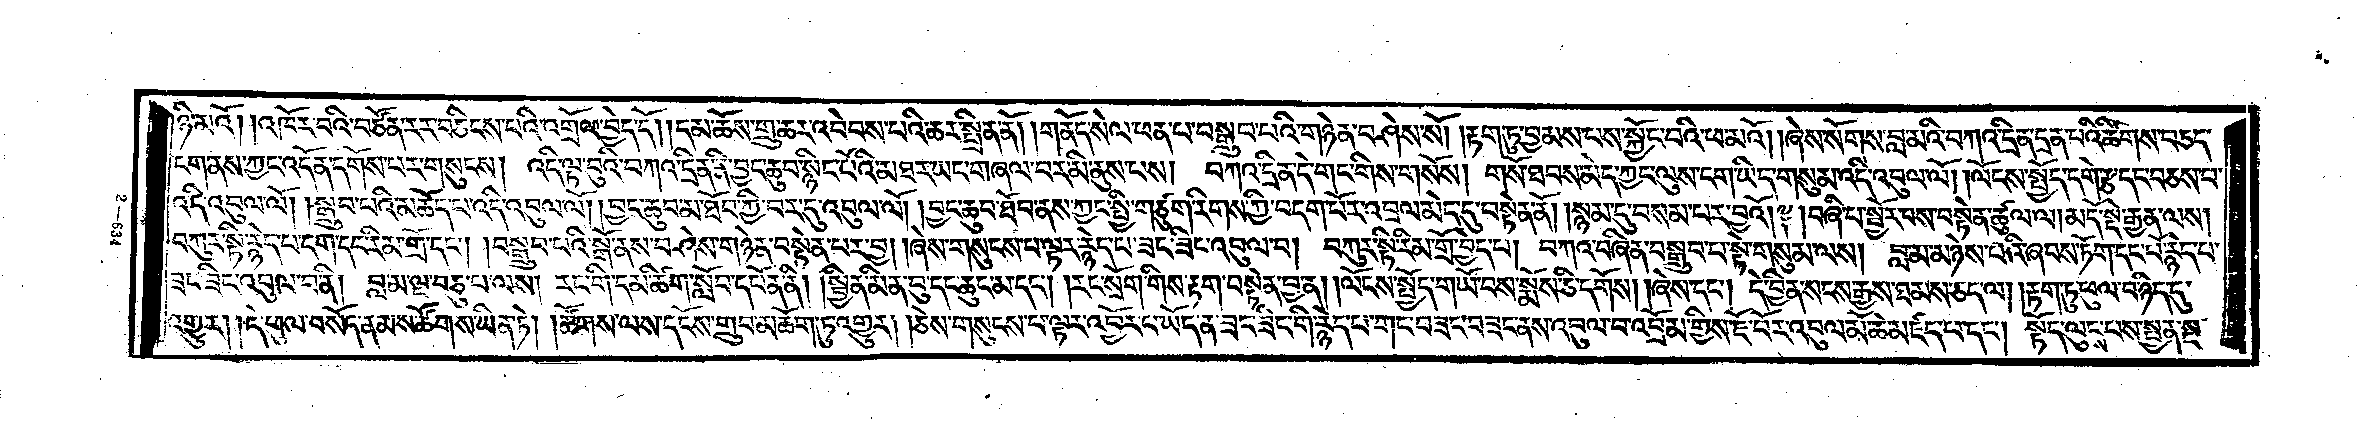ཉི་མའོ། །འཁོར་བའི་བཙོན་རར་བཅིངས་པའི་འགྲོལ་བྱེད་དོ། །དམ་ཆོས་གྲུ་ཆར་འབེབས་པའི་ཆར་སྤྲིན་ནོ། །གནོད་སེལ་ཕན་པ་བསྒྲུབ་པའི་གཉེན་བཤེས་སོ། །རྟག་ཏུ་བྱམས་པས་སྐྱོང་བའི་ཕ་མའོ། །ཞེས་སོགས་བླ་མའི་བཀའ་དྲིན་དྲན་པའི་ཚིགས་བཅད་
ངག་ནས་ཀྱང་འདོན་དགོས་པར་གསུངས། འདི་ལྟ་བུའི་བཀའ་དྲིན་ནི་བྱང་ཆུབ་སྙིང་པོའི་མཐར་ཡང་གཞལ་བར་མི་ནུས་པས། བཀའ་དྲིན་དེ་གང་གིས་གསོས། གསོ་ཐབས་མེད་ཀྱང་ལུས་ངག་ཡིད་གསུམ་འདི་འབུལ་ལོ། །ལོངས་སྤྱོད་དགེ་རྩ་དང་བཅས་པ་
འདི་འབུལ་ལོ། །སྒྲུབ་པའི་མཆོད་པ་འདི་འབུལ་ལོ། །བྱང་ཆུབ་མ་ཐོབ་ཀྱི་བར་དུ་འབུལ་ལོ། །བྱང་ཆུབ་ཐོབ་ནས་ཀྱང་སྤྱི་གཙུག་རིགས་ཀྱི་བདག་པོར་འབྲལ་མེད་དུ་བསྟེན་ནོ། །སྙམ་དུ་བསམ་པར་བྱའོ། ༈ །བཞི་པ་སྦྱོར་བས་བསྟེན་ཚུལ་ལ། མདོ་སྡེ་རྒྱན་ལས།
བཀུར་སྟི་རྙེད་པ་དག་དང་རིམ་གྲོ་དང་། །བསྒྲུབ་པའི་སྒོ་ནས་བཤེས་གཉེན་བསྟེན་པར་བྱ། །ཞེས་གསུངས་པ་ལྟར་རྙེད་པ་ཟང་ཟིང་འབུལ་བ། བཀུར་སྟི་རིམ་གྲོ་བྱེད་པ། བཀའ་བཞིན་བསྒྲུབ་པ་སྟེ་གསུམ་ལས། བླ་མ་མཉེས་བའི་ཞབས་ཏོག་དང་པོ་རྙེད་པ་
ཟང་ཟིང་འབུལ་བ་ནི། བླ་མ་ལྔ་བཅུ་པ་ལས། རང་གི་དམ་ཚིག་སློབ་དཔོན་ནི། །སྦྱིན་མིན་བུ་དང་ཆུང་མ་དང་། །རང་སྲོག་གིས་རྟག་བསྟེན་བྱ་ན། །ལོངས་སྤྱོད་གཡོ་བས་སྨོས་ཅི་དགོས། །ཞེས་དང་། དེ་བྱིན་སངས་རྒྱས་ཐམས་ཅད་ལ། །རྟག་ཏུ་ཕུལ་བ་ཉིད་དུ་
འགྱུར། །དེ་ཕུལ་བསོད་ནམས་ཚོགས་ཡིན་ཏེ། །ཚོགས་ལས་དངོས་གྲུབ་མཆོག་ཏུ་འགྱུར། །ཅེས་གསུངས་པ་ལྟར་འབྱོར་པ་ཡོད་ན་ཟང་ཟིང་གི་རྙེད་པ་གང་བཟང་བཟང་ནས་འབུལ་བ་འབྲོམ་གྱིས་ཇོ་བོར་འབུལ་མོ་ཆེ་མཛད་པ་དང་། སྟོད་ལུངས་པས་སྤྱན་སྔ་